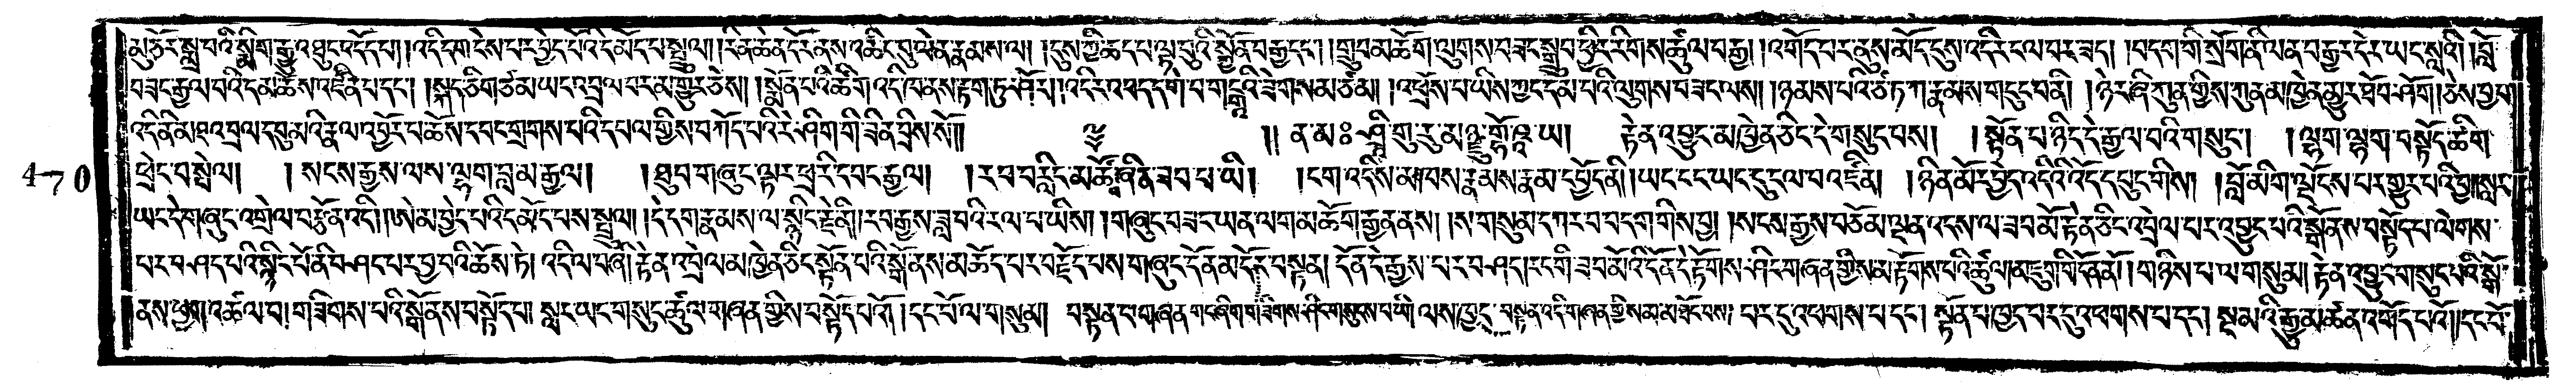མུ་ཅོར་སྨྲ་བའི་སྨིག་རྒྱུ་འཐུང་འདོད་པ། །འདི་དག་ངེས་པར་བྱེད་པོའི་དམོད་པ་སྦྲུལ། །རིན་ཆེན་དོར་ནས་འཆིང་བུ་ལེན་རྣམས་ལ། །དུས་ཀྱི་ཆད་པ་ལྟ་བུའི་སྐྱོན་བརྒྱ་དང་། །གྲུབ་མཆོག་ལུགས་བཟང་སྒྲུབ་ཕྱིར་རིགས་ཚུལ་བརྒྱ། །འགོད་བར་ནུས་མོད་དུས་འདིར་ངལ་བར་ཟད། །བདག་གི་སྲོག་ནི་ལན་བརྒྱར་དེར་ཡང་སླའི། །བློ་
བཟང་རྒྱལ་བའི་དམ་ཆོས་འཛིན་པ་དང་། །སྐད་ཅིག་ཙམ་ཡང་འབྲལ་བར་མ་གྱུར་ཅེས། །སྨོན་པའི་ཚིག་འདི་ཁ་ནས་རྟག་ཏུ་ཤོར། །འདིར་འབད་དགེ་བ་གངྒཱའི་ཟེགས་མ་ཙམ། །འཕྲོས་པ་ཡིས་ཀྱང་དམ་པའི་ལུགས་བཟང་ལས། །ཉམས་པའི་ཙ་ཏ་ཀ་རྣམས་གདུང་བ་ནི། །ཉེར་ཞི་ཀུན་གྱིས་ཀུན་མཁྱེན་མྱུར་ཐོབ་ཤོག། ཅེས་བྱ་བ་
འདི་ནི་མཐའ་བྲལ་དབུ་མའི་རྣལ་འབྱོར་པ་ཆོས་དབང་གྲགས་པའི་དཔལ་གྱིས་བཀོད་པའི་རེ་ཤིག་གི་ཟིན་བྲིས་སོ།། ༈ །།ན་མཿ ཤྲཱི་གུ་རུ་མཉྫུ་གྷོ་ཥཱ་ཡ། རྟེན་འབྱུང་མཁྱེན་ཅིང་དེ་གསུང་བས། །སྟོན་པ་ཉིད་དེ་རྒྱལ་བའི་གསུང་། །ལྷག་ལྷག་བསྟོད་ཚིག་
ཕྲེང་བ་སྤེལ། །སངས་རྒྱས་ལས་ལྷག་བླ་མ་རྒྱལ། །ཐུབ་གཞུང་ལྟར་ཕྲ་རི་དབང་རྒྱལ། །རབ་བརླིང་མཚོ་བཞིན་ཟབ་པ་ཡི། །ངག་འདིས་མཁས་རྣམས་རྣམ་དཔྱོད་ནི། །ཡང་དང་ཡང་དུ་ངལ་བ་འཛིན། །ཉིན་མོར་བྱེད་འདིའི་འོད་དཔུང་གིས། །བློ་མིག་ལྡོངས་པར་གྱུར་པའི་བྱ། །སླར་
ཡང་དེ་གཞུང་འགྲེལ་བརྩོན་འདི། །ཨེ་མ་བྱེད་པའི་དམོད་པས་སྤྲུལ། །དེ་དག་རྣམས་ལ་སྙིང་རྗེ་ནི། །རབ་རྒྱས་ཟླ་བའི་རལ་པ་ཡིས། །གཞུང་བཟང་ཡན་ལག་མཆོག་རྒྱན་ནས། །ས་གསུམ་དཀར་བ་བདག་གིས་བྱ། །སངས་རྒྱས་བཅོམ་ལྡན་འདས་ལ་ཟབ་མོ་རྟེན་ཅིང་འབྲེལ་པར་འབྱུང་བའི་སྒོ་ནས་བསྟོད་པ་ལེགས་
པར་བཤད་པའི་སྙིང་པོ་ནི་བཤད་པར་བྱ་བའི་ཆོས་ཏེ། འདི་ལ་བཞི། རྟེན་འབྲེལ་མཁྱེན་ཅིང་སྟོན་པའི་སྒོ་ནས་མཆོད་པར་བརྗོད་པས་གཞུང་དོན་མདོར་བསྟན། དོན་དེ་རྒྱས་པར་བཤད། རང་གི་ཟབ་མོའི་དོན་དེ་རྟོགས་ཤིང་གཞན་གྱིས་མ་རྟོགས་པའི་ཚུལ། མཇུག་གི་དོན་ནོ། །གཉིས་པ་ལ་གསུམ། རྟེན་འབྱུང་གསུང་བའི་སྒོ་
ནས་ཕྱག་འཚལ་བ། གཟིགས་པའི་སྒོ་ནས་བསྟོད་པ། སླར་ཡང་གསུང་ཚུལ་གཞན་གྱིས་བསྟོད་པའོ། །དང་པོ་ལ་གསུམ། བསྟན་པ་གཞན་གང་ཞིག་གཟིགས་ཤིང་གསུངས་པ་ཡི།  ལས་ཁྱད་བསྟན་འདི་གཞན་གྱིས་མ་མཐོང་བས།  བར་དུ་འཕགས་པ་དང་། སྟོན་པ་ཁྱད་པར་དུ་འཕགས་པ་དང་། སྔ་མའི་རྒྱུ་མཚན་འགོད་པའོ། །དང་པོ་